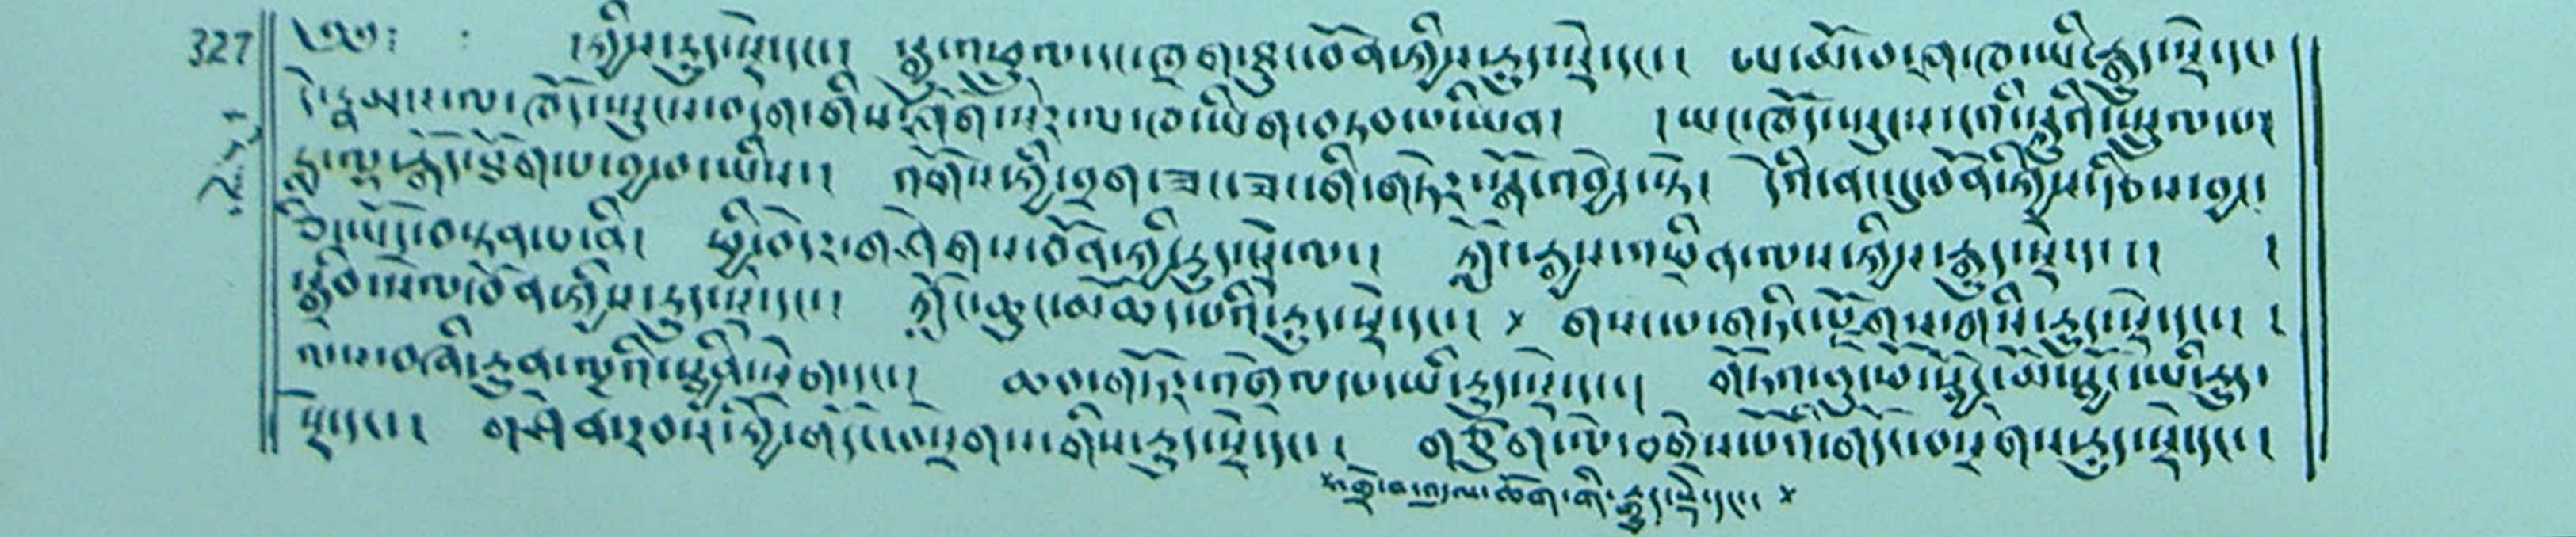༄༅། །གྱི་རྒྱུད་སྡེ་དང་། སྒྱུ་འཕྲུལ་དང་ཁྲ་ཐུང་བོན་གྱི་རྒྱུད་སྡེ་དང་། ཨ་མོ་བ་ཤ་ཁ་ཡི་རྒྱུད་སྡེ་དང་། 
དེ་རྣམས་ལ་ཁོད་སྤུངས་བདག་གིས་ཤོག་སེར་ལ་ཁ་ཡིག་བཏབ་པ་ཡིན། ཡང་ཁོད་སྤུངས་ངའི་སྐུའི་སྤྲུལ་བ། 
རྨ་ལྷ་རྒོད་ཐོག་པ་བྱ་བ་ཡིན། འགོས་ཀྱི་བྲག་ཟང་ཟང་གི་གཏེར་སྒོ་འབྱེད་སྟེ། དེའི་ནང་དུ་བོན་གྱི་རྩིས་བྱང་
ཅི་ཡོད་བསྟན་པ་ནི། ཕྱིར་བདེར་གཤེགས་བོན་གྱི་རྒྱུད་སྡེ་ལ། ཀློང་རྒྱས་འཕྲིན་ལས་ཀྱི་རྒྱུད་སྡེ་དང་། 
སྒྲིབ་སེལ་བོན་གྱི་རྒྱུད་སྡེ་དང་། ཀློང་ཆུང་མཆོད་པའི་རྒྱུད་སྡེ་དང་། འགྲོ་བ་འདུལ་ཆོག་གི་རྒྱུད་སྡེ་དང་། གསང་བ་གཏིང་རྫོགས་ཀྱིས་རྒྱུད་སྡེ་དང་། 
ལས་བཞིའི་རྒྱུན་ལྔའི་སྦྱིན་བསྲེགས་དང་། ཆབ་གཏོར་འགྲེལ་པ་ཡི་རྒྱུད་སྡེ་དང་། གཏོ་བུ་ཕོ་སྦྱོང་མོ་སྦྱོང་གི་རྒྱུད་
སྡེ་དང་། གཤེན་རབས་ཀྱི་གདོང་བསྲེགས་ཀྱིས་རྒྱུད་སྡེ་དང་། གཙུག་ལེ་བགྲེས་པོའི་གདོང་བསྲེགས་རྒྱུད་སྡེ་དང་།